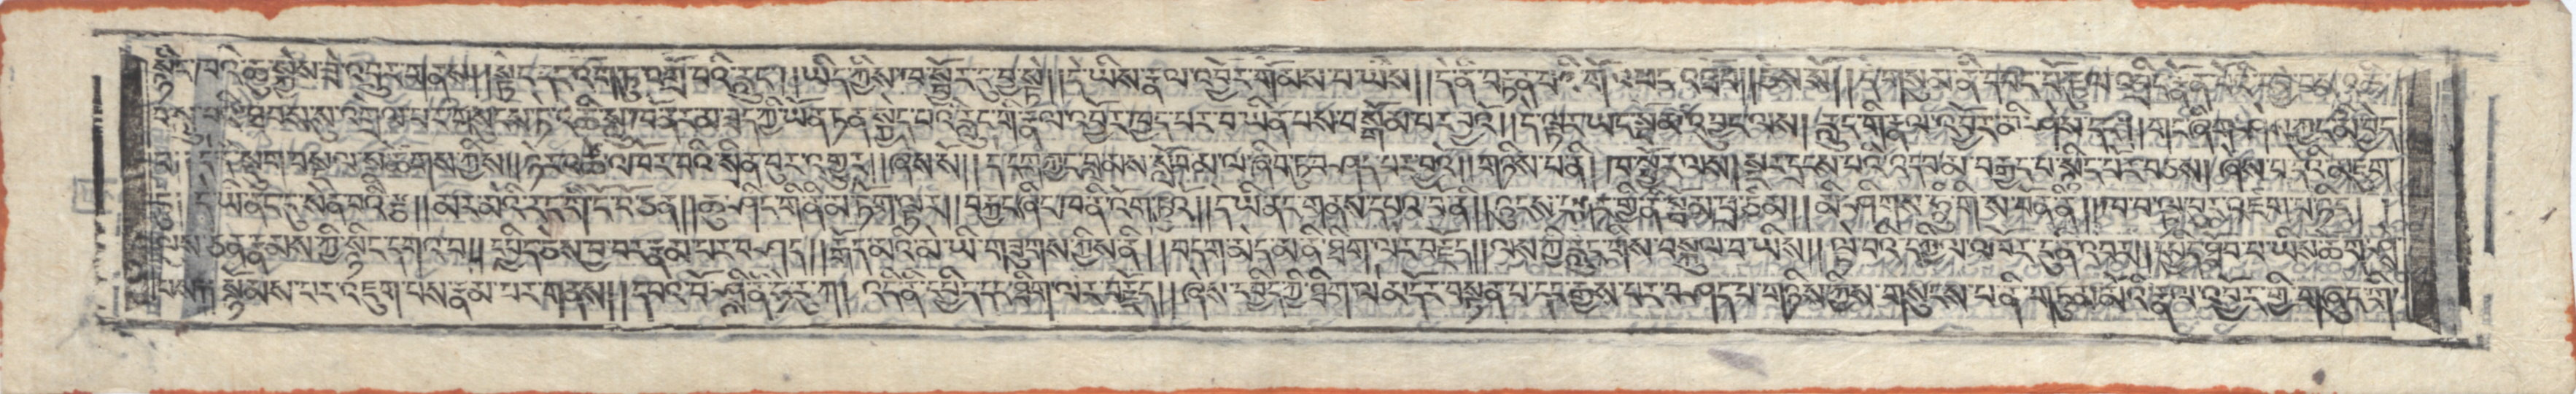སྙིང་ཁའི་ཆུ་སྐྱེས་ཟེ་འབྲུར་གནས། །སྟེང་དང་འོག་ཏུ་འགྲོ་བའི་རླུང་། །ཡིད་ཀྱིས་ཁ་སྦྱོར་དུ་བྱ་སྟེ། །དེ་ཡིས་རྣལ་འབྱོར་གོམས་པ་ཡིས། །དེ་ནི་བརྟན་པའི་གོ་འཕང་འཐོབ། །ཅེས་སོ། །དེ་གསུམ་ནི་དབང་པོ་རྟུལ་འབྲིང་རྣོན་པོའི་དབྱེ་བས་འཆི་
བ་སླུ་བའི་ཐབས་སུ་འགྲེལ་པར་གསུངས་ཏེ་འཆི་སླུ་ཁོ་ནར་མ་ཟད་ཀྱི་ཡོན་ཏན་སྐྱེད་པའི་རླུང་གི་རྣལ་འབྱོར་ཁྱད་པར་བ་ཡིན་པས་བསྒོམ་པར་བྱའོ། །དེ་ལྟར་ཡང་སྡོམ་འབྱུང་ལས། རླུང་གི་རྣལ་འབྱོར་མི་ཤེས་དང་། །གང་ཞིག་ཤེས་ཀྱང་མི་བྱེད་
པ། །དེ་ནི་སྡུག་བསྔལ་སྣ་ཚོགས་ཀྱིས། །ཉེར་འཚེ་འཁོར་བའི་སྲིན་བུར་འགྱུར། །ཞེས་སོ། །དེ་དག་ཀྱང་བླ་མས་སློབ་མ་ལ་ཞིབ་ཏུ་བཤད་པར་བྱའོ། །གཉིས་པ་ནི། ཁ་སྦྱོར་ལས། སྔར་དྲངས་པའི་འདབ་མ་བརྒྱད་པ་སྙིང་པོར་བཅས། ཞེས་པ་དེའི་མཇུག་
ཏུ། དེ་ཡི་ནང་དུ་སེན་པའི་རྩ། །མར་མེའི་རང་གི་ངོ་བོ་ཅན། །ཆུ་ཤིང་གི་ནི་མེ་ཏོག་ལྟར། །བརྐྱང་ཞིང་ཁ་ནི་འོག་ཏུའོ། །དེ་ཡི་ནང་གནས་དཔའ་བོ་ནི། །ཉུངས་དཀར་གྱི་ནི་སྦོམ་ཕྲ་ཙམ། །མི་ཤིགས་ཧཱུཾ་གི་ས་བོན་ནི། །ཁ་བ་ལྟ་བུར་འཛག་པ་ཉིད། །
ལུས་ཅན་རྣམས་ཀྱི་སྙིང་དགའ་བ། །དཔྱིད་ཅེས་བྱ་བར་རྣམ་པར་བཤད། །རྒོད་མའི་མེ་ཡི་གཟུགས་ཀྱིས་ནི། །བདག་མེད་མ་ནི་ཐིག་ལེར་བརྗོད། །ལས་ཀྱི་རླུང་གིས་བསྐུལ་བ་ཡིས། །ལྟེ་བའི་དཀྱིལ་འཁོར་དུ་ནི་འབར། །དཔྱིད་ཐོབ་པ་ཡིས་ཆོག་ཤེས་
པས༑ ༑སྙོམས་པར་འཇུག་པས་རྣམ་པར་གནས། །དཔའ་བོ་ཤྲཱི་ནི་ཧེ་རུ་ཀ། འདི་ནི་དཔྱིད་དང་ཐིག་ལེར་བརྗོད། །ཞེས་དཔྱིད་ཀྱི་ཐིག་ལེ་མདོར་བསྟན་པ་དང་རྒྱས་པར་བཤད་པ་གཉིས་ཀྱིས་གསུངས་པ་ནི་གཏུམ་མོའི་རྣལ་འབྱོར་གྱི་གཞུང་གི་